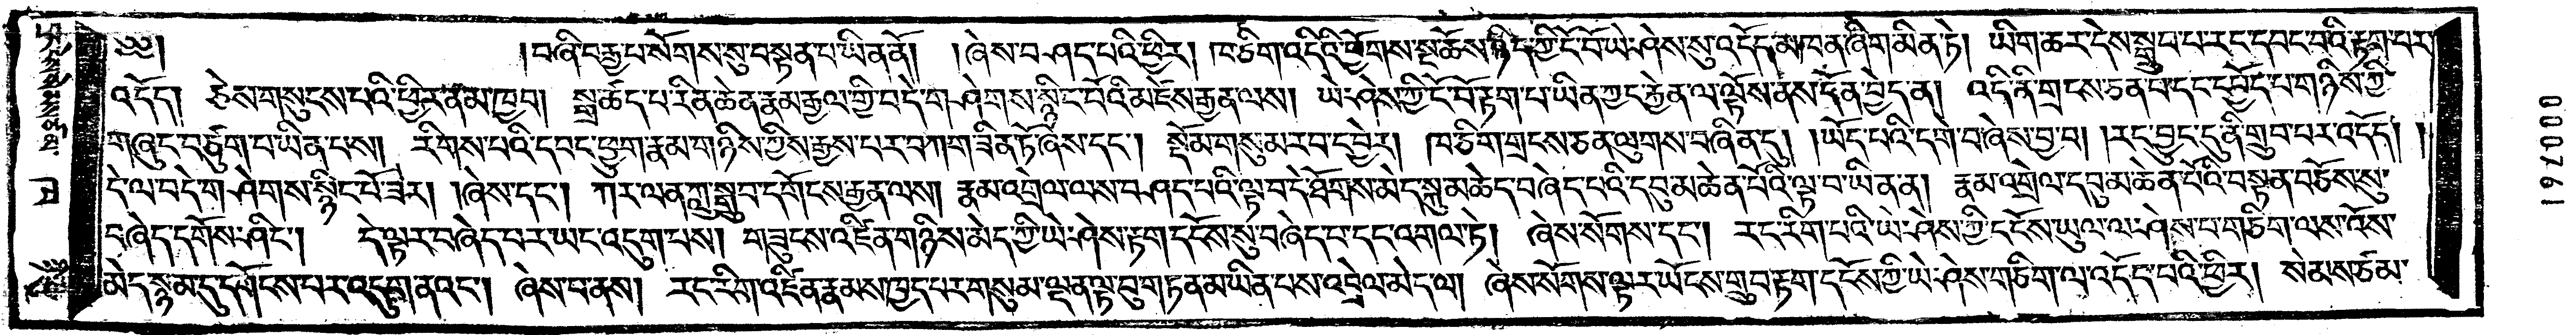༄༅། །བཞི་བརྒྱ་པ་སོགས་སུ་བསྟན་པ་ཡིན་ནོ། །ཞེས་བཤད་པའི་ཕྱིར། ཁ་ཅིག་འདིའི་ཕྱོགས་སྔ་ཆོས་ཉིད་ཀྱི་ངོ་བོ་ཡེ་ཤེས་སུ་འདོད་མཁན་ཞིག་མིན་ཏེ། ཡིག་ཆར་དེས་སྒྲུབ་པ་རང་དབང་བའི་རྟག་པར་
འདོད། ཅེས་གསུངས་པའི་ཕྱིར་ན་མ་ཁྱབ། སྒྲ་ཚད་པ་རིན་ཆེན་རྣམ་རྒྱལ་གྱི་བདེ་གཤེགས་སྙིང་པོའི་མཛེས་རྒྱན་ལས། ཡེ་ཤེས་ཀྱི་ངོ་བོ་རྟག་པ་ཡིན་ཀྱང་རྐྱེན་ལ་ལྟོས་ནས་དོན་བྱེད་ན། འདི་ནི་གྲངས་ཅན་པ་དང་དཔྱོད་པ་གཉིས་ཀྱི་
གཞུང་བཙུག་པ་ཡིན་པས། རིགས་པའི་དབང་ཕྱུག་རྣམ་གཉིས་ཀྱིས་རྒྱས་པར་བཀག་ཟིན་ཏོ་ཞེས་དང་། སྡོམ་གསུམ་རབ་དབྱེར། ཁ་ཅིག་གྲངས་ཅན་ལུགས་བཞིན་དུ། །ཡོད་པའི་དགེ་བ་ཞེས་བྱ་བ། །རང་བྱུང་དུ་ནི་གྲུབ་པར་འདོད། །
དེ་ལ་བདེ་གཤེགས་སྙིང་པོ་ཟེར། །ཞེས་དང་། ཀར་ལན་ཀླུ་སྒྲུབ་དགོངས་རྒྱན་ལས། རྣམ་འགྲེལ་ལས་བཤད་པའི་ལྟ་བ་དེ་ཐོགས་མེད་སྐུ་མཆེད་བཞེད་པའི་དབུ་མ་ཆེན་པོའི་ལྟ་བ་ཡིན་ན། རྣམ་འགྲེལ་དབུ་མ་ཆེན་པོའི་བསྟན་བཅོས་སུ་
བཞེད་དགོས་ཤིང་། དེ་ལྟར་བཞེད་པར་ཡང་འདུག་པས། གཟུངས་འཛིན་གཉིས་མེད་ཀྱི་ཡེ་ཤེས་རྟག་དངོས་སུ་བཞེད་པ་དང་འགལ་ཏེ། ཞེས་སོགས་དང་། རང་རིག་པའི་ཡེ་ཤེས་ཀྱི་དངོས་ཡུལ་ལ་ཤེས་པ་གཅིག་ལས་འོས་
མེད་སྙམ་དུ་དགོངས་པར་འདུག་ནའང་། ཞེས་པ་ནས། རང་རིག་འཛིན་རྣམས་ཁྱད་པར་གསུམ་ལྡན་ལྟ་བུ་གཏན་མ་ཡིན་པས་འབྲེལ་མེད་ལ། ཞེས་སོགས་ལྟར་ཡོངས་གྲུབ་རྟག་དངོས་ཀྱི་ཡེ་ཤེས་གཅིག་ལ་འདོད་པའི་ཕྱིར། སེམས་ཙམ་